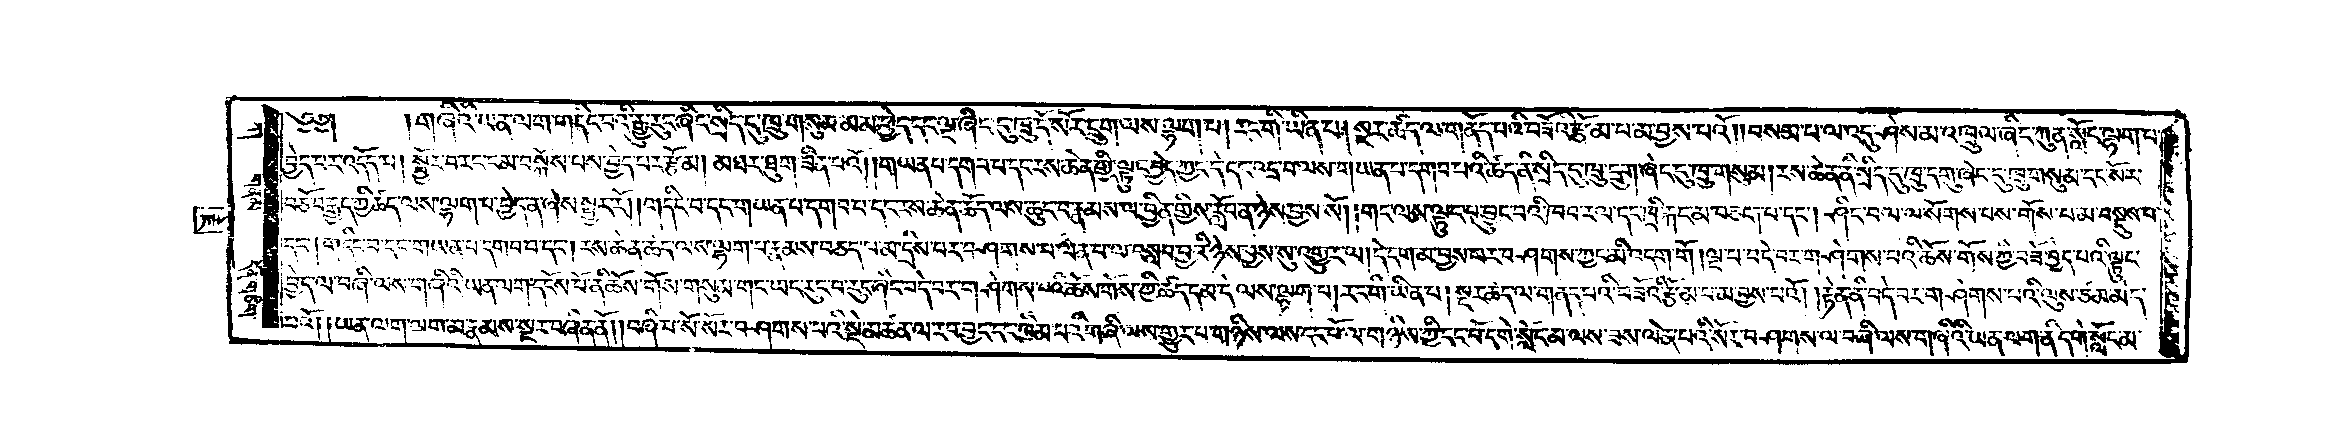༄༅། །གཞིའི་ཡན་ལག་གདིང་བའི་རྒྱུ་རུང་ཞིང་སྲིད་དུ་ཁྲུ་གསུམ་མམ་ཕྱེད་དང་ལྔ་ཞིང་དུ་ཁྲུ་དོ་སོར་དྲུག་ལས་ལྷག་པ། རང་གི་ཡིན་པ། སྔར་ཚད་ལ་གནོད་པའི་བཟོའི་རྩོམ་པ་མ་བྱས་པའོ། །བསམ་པ་ལ་འདུ་ཤེས་མ་འཁྲུལ་ཞིང་ཀུན་སློང་ལྷག་པ་
བྱེད་པར་འདོད་པ། སྦྱོར་བ་རང་དམ་བསྐོས་པས་བྱེད་པར་རྩོམ། མཐར་ཐུག་ཟིན་པའོ། །གཡན་པ་དགབ་པ་དང་རས་ཆེན་གྱི་ལྟུང་བྱེད་ཀྱང་དེ་དང་འདྲ་བ་ལས་གཡན་པ་དགབ་པའི་ཚད་ནི་སྲིད་དུ་ཁྲུ་དྲུག་ཞེང་དུ་ཁྲུ་གསུམ། རས་ཆེན་ནི་སྲིད་དུ་ཁྲུ་དགུ་ཞེང་དུ་ཁྲུ་གསུམ་དང་སོར་
བཅོ་བརྒྱད་ཀྱི་ཚད་ལས་ལྷག་པ་བྱེད་ན་ཞེས་སྦྱར་རོ། །གདིང་བ་དང་གཡན་པ་དགབ་པ་དང་རས་ཆེན་ཆོད་ལས་ཆུང་བ་རྣམས་ལ་བྱིན་གྱིས་རློབ་ན་ཉེས་བྱས་སོ། །གང་ལས་ལྟུང་བ་བྱུང་བའི་ཁབ་རལ་དང་ཁྲི་རྐང་མ་བཅག་པ་དང་། ཤིང་བལ་ལ་སོགས་པས་གོས་པ་མ་བསྡུས་པ་
དང་། གདིང་བ་དང་གཡན་པ་དགབ་པ་དང་། རས་ཆེན་ཆེད་ལས་ལྷག་པ་རྣམས་བཅད་པ་མ་དྲིས་པར་བཤགས་པ་ལེན་པ་ལ་བསླབ་བྱའི་ཉེས་བྱས་སུ་འགྱུར་ལ། དེ་དག་མ་བྱས་པར་བཤགས་ཀྱང་མི་འདག་གོ །ལྔ་པ་བདེ་བར་གཤེགས་པའི་ཆོས་གོས་ཀྱི་བཟོ་བྱེད་པའི་ལྟུང་
བྱེད་ལ་བཞི་ལས་གཞིའི་ཡན་ལག་དངོས་པོ་ནི་ཆོས་གོས་གསུམ་གང་ཡང་རུང་བ་རུང་ཞིང་བདེ་བར་གཤེགས་པའི་ཆོས་གོས་ཀྱི་ཚད་དམ་དེ་ལས་ལྷག་པ། རང་གི་ཡིན་པ། སྔར་ཚད་ལ་གནད་པའི་བཟོའི་རྩོམ་པ་མ་བྱས་པའོ། །རྟེན་ནི་བདེ་བར་གཤེགས་པའི་ལུས་ཙམ་མེད་
པའོ། །ཡན་ལག་ལྷག་མ་རྣམས་སྔར་བཞིན་ནོ། །བཞི་པ་སོ་སོར་བཤགས་པའི་སྡེ་མཚན་ལ་རབ་བྱང་དང་ཁྱིམ་པའི་གཞི་ལས་གྱུར་པ་གཉིས་ལས་དང་པོ་ལ་གཉིས་ཀྱི་དང་པོ་དགེ་སློང་མ་ལས་ཟས་ལེན་པའི་སོར་བཤགས་ལ་བཞི་ལས་གཞིའི་ཡན་ལག་ནི་དགེ་སློང་མ་